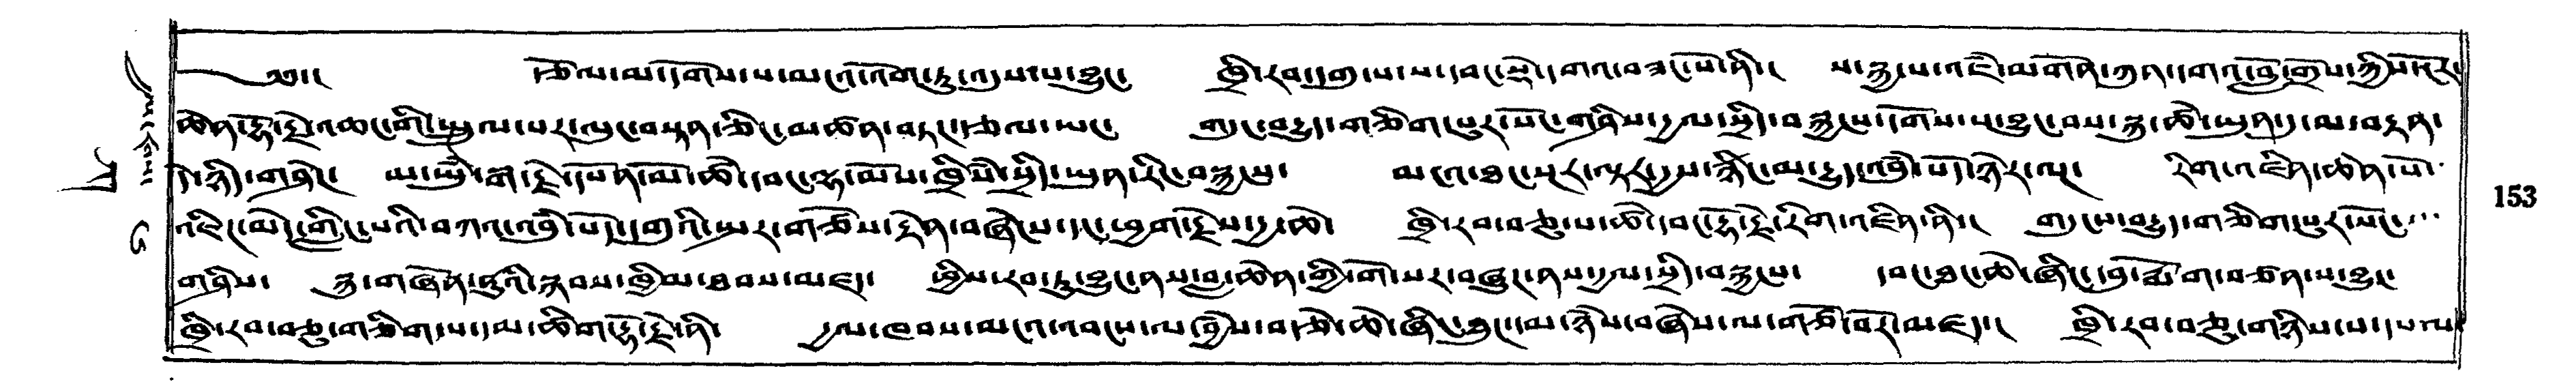རྩོལ་མ་དགོས་པ་མངའ་འོག་ཏུ་འདུས་པ་བྱུང་། ཁྲི་རབས་དགུ་པ་ས་དབང་སྡེ་དགའ་བཟང་པོ་ནི། ས་སྐྱ་པ་འཇམ་མགོན་ཀུན་དགའ་བློ་གྲོས་ཀྱིས་ངོར་
ཆེན་རྡོ་རྗེ་འཆང་གི་སྤྲུལ་པར་ལུང་བསྟན་ཅིང་མཚན་བཏགས་བསྩལ་ཡང་། གདུང་བརྒྱུད་གཅིག་པུར་སོང་གཤིས་རྒྱལ་སྲིད་སྐྱོང་དགོས་པ་བྱུང་བས་སྐུ་ཚེ་ཡུན་དུ་མ་བརྟན་
པར་དེ་མ་ཉིད་དུ་གཤེགས། མ་ཡུམ་སྒ་རྗེ་དཔོན་མོ་ཚེ་དབང་ལྷ་མོས་ཁྲིམས་སྲིད་ཡུན་རིང་བསྐྱངས། མངའ་ཐང་སྔར་ལྟར་རྒྱས། རྙིང་མ་རྒྱུད་འབུམ་པོད་ཉེར་ལྔ། རིག་འཛིན་ཆེན་པོ་
འཇིགས་མེད་གླིང་པའི་བཀའ་འབུམ་པོད་དགུའི་སྤར་གཙོས་རྟེན་བཞེངས་དང་ཕྱག་རྗེས་རྒྱ་ཆེ། ཁྲི་རབས་བཅུ་པ་ཚེ་དབང་རྡོ་རྗེ་རིག་འཛིན་ནི། གདུང་བརྒྱུད་གཅིག་པུར་སོང་
གཤིས། སྐུ་གཞོན་ནུའི་སྐབས་ཁྱིམ་ཐབས་མཛད། ཕྱིས་རབ་ཏུ་བྱུང་ནས་བླ་ཆེན་གྱི་གོ་སར་བཞུགས་ནས་རྒྱལ་སྲིད་བསྐྱངས། དབང་ཐང་ཆེ་ཞིང་དབུ་རྨོག་བཙན་པ་བྱུང་། 
ཁྲི་རབས་བཅུ་གཅིག་པ་དམ་ཚིག་རྡོ་རྗེ་ནི། རྒྱལ་ཁབ་མངའ་འབངས་ལ་བྱམས་བརྩེ་ཆེ་ཞིང་ཐུགས་དམ་ཉམས་བཞེས་ལ་གཙོ་བོར་མཛད། ཁྲི་རབས་བཅུ་གཉིས་པ་དཔལ་